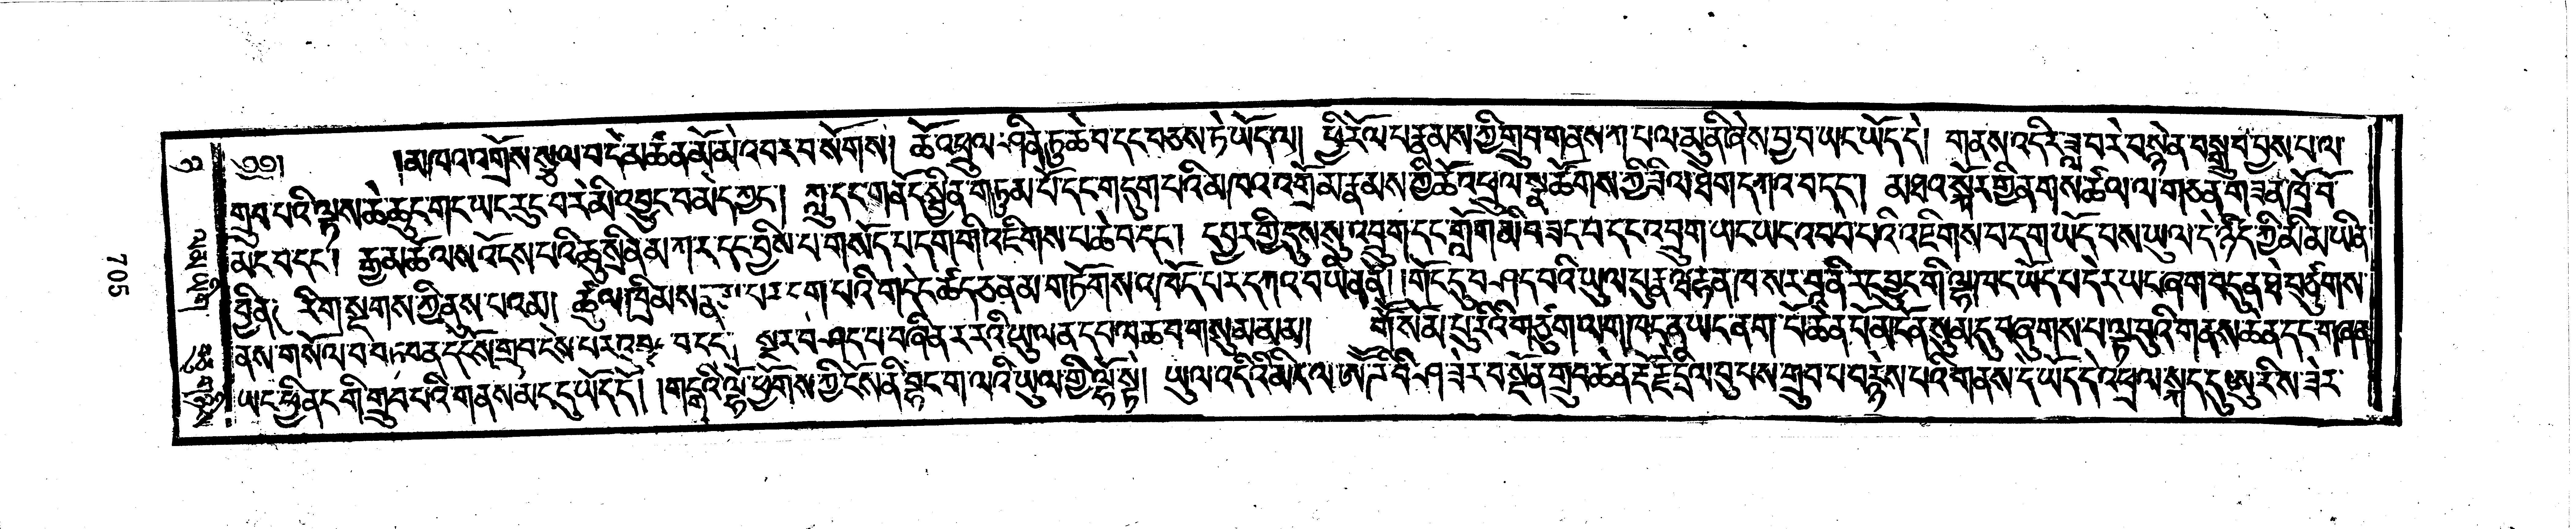༄༅། །མཁའ་འགྲོས་སྩལ་བ་དེ་མཚན་མོ་མེ་འབར་བ་སོགས། ཆོ་འཕྲུལ་ཤིན་ཏུ་ཆེ་བ་དང་བཅས་ཏེ་ཡོད་ལ། ཕྱི་རོལ་པ་རྣམས་ཀྱི་གྲུབ་གནས་ཀ་པལ་མུ་ནི་ཞེས་བྱ་བ་ཡང་ཡོད་དེ། གནས་འདིར་ཟླ་བ་རེ་བསྙེན་བསྒྲུབ་བྱས་པ་ལ་
གྲུབ་པའི་ལྟས་ཆེ་ཆུང་གང་ཡང་རུང་བ་རེ་མི་འབྱུང་བ་མེད་ཀྱང་། ཀླུ་དང་གནོད་སྦྱིན་གཏུམ་པོ་དང་གདུག་པའི་མཁའ་འགྲོ་མ་རྣམས་ཀྱི་ཆོ་འཕྲུལ་སྣ་ཚོགས་ཀྱི་ཟིལ་ཐེག་དཀའ་བ་དང་། མཐའ་སྐོར་གྱི་ནགས་ཚལ་ལ་གཅན་གཞན་ཁྲོ་བོ་
མང་བ་དང་། རྒྱ་མཆོ་ལས་འོངས་པའི་ཆུ་སྲིན་མ་ཀ་ར་དང་བྱིས་པ་གསོད་པ་དག་གི་འཇིགས་པ་ཆེ་བ་དང་། དབྱར་གྱི་དུས་སུ་འབྲུག་དང་གློག་མི་བཟང་བ་དང་འབྲུག་ཡང་ཡང་འབབ་པའི་འཇིགས་པ་དག་ཡོད་པས་ཡུལ་དེ་ཉིད་ཀྱི་མི་མ་ཡིན་
བྱིན༑ རིག་སྔགས་ཀྱི་ནུས་པའམ། ཚུལ་ཁྲིམས་རྣམ་པར་དག་པའི་གདེང་ཚད་ཅན་མ་གཏོགས་འཁོད་པར་དཀའ་བ་ཡིན་ན། །གོང་དུ་བཤད་པའི་ཡུལ་པུརྣ་ཝརྷན་ཁ་སར་བཱ་ནི་རང་བྱུང་གི་ལྷ་ཁང་ཡོད་པ་དེར་ཡང་ཞག་བདུན་ཐེ་བཙུགས་
ནས་གསོལ་བ་བཏབ་ན་དངོས་གྲུབ་ངེས་པར་འབྱུང་བ་དང་། སྔར་བཤད་པ་བཞིན་ར་རའི་ཡུ་ལན་དཔལ་ཆ་བ་གསུམ་མམ། གཽ་སོམ་པུ་རིའི་གཙུག་ལག་ཁང་ན་ཡང་ནག་པོ་ཆེན་པོ་མངོན་སུམ་དུ་བཞུགས་པ་ལྟ་བུའི་གནས་ཆེན་དང་གཞན་
ཡང་ཕྱི་ནང་གི་གྲུབ་པའི་གནས་མང་དུ་ཡོད་དོ། །གངྒའི་ལྷོ་ཕྱོགས་ཀྱི་ངོས་ནི་བྷང་ག་ལའི་ཡུལ་གྱི་ལྷོ་སྟེ། ཡུལ་འདིའི་མིང་ལ་ཨཽ་ཌི་བི་ཤ་ཟེར་བ་སྔོན་གྲུབ་ཆེན་རྡོ་རྗེ་དྲིལ་བུ་པས་གྲུབ་པས་བརྙེས་པའི་གནས་དེ་ཡོད་དེ་འཕྲལ་སྐད་དུ་ཨུ་རི་ས་ཟེར་